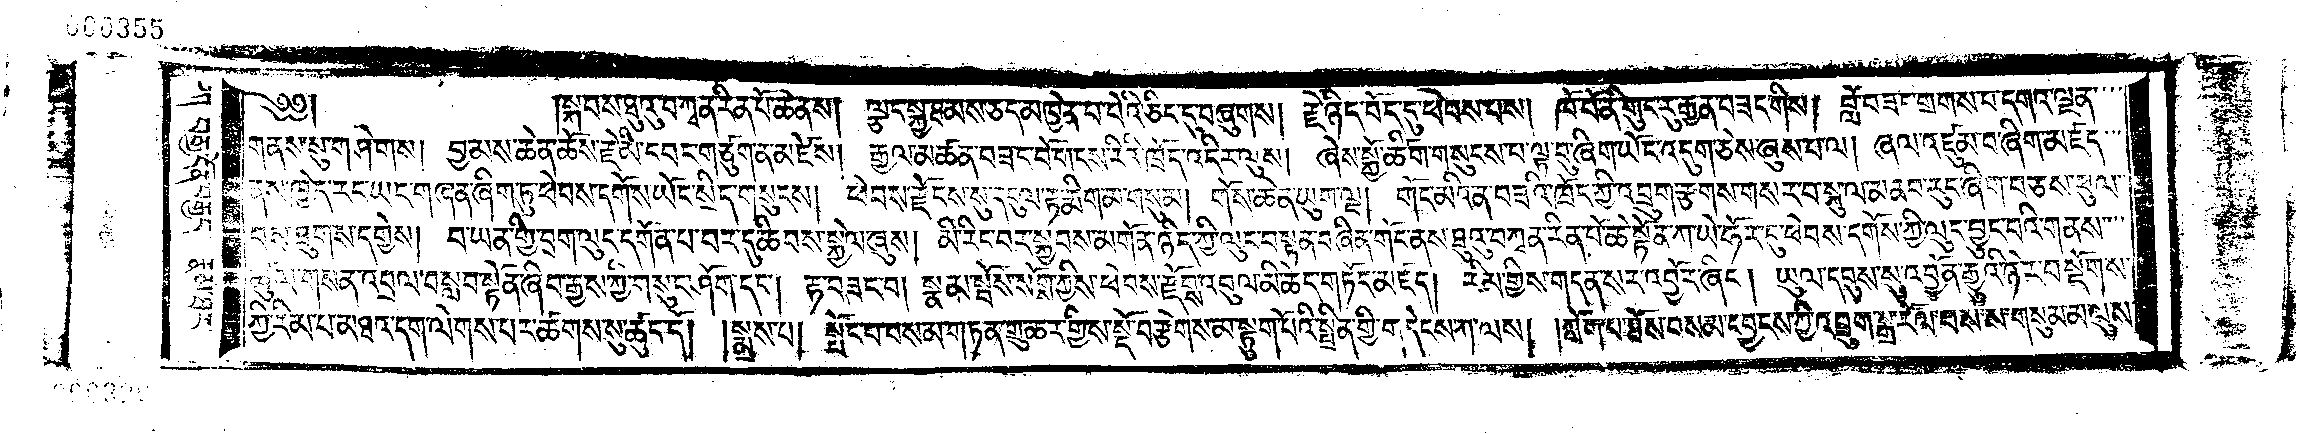༄༅། །སྐབས་ཐུའུ་བཀྭན་རིན་པོ་ཆེ་ནས། ལྕང་སྐྱ་ཐམས་ཅད་མཁྱེན་པ་པེའི་ཅིང་དུ་བཞུགས། རྗེ་ཉིད་བོད་དུ་ཕེབས་པས། ཁོ་བོ་ནི་གུང་རུ་རྒྱན་བཟང་གིས། བློ་བཟང་གྲགས་པ་དགའ་ལྡན་
གནས་སུ་གཤེགས། བྱམས་ཆེན་ཆོས་རྗེ་མི་དབང་གཙུག་ན་མཛེས། རྒྱལ་མཚན་བཟང་པོ་གངས་རིའི་ཁོང་འདིར་ལུས། ཞེས་སྐྱོ་ཚིག་གསུངས་པ་ལྟ་བུ་ཞིག་ཡོང་འདུག་ཅེས་ཞུས་པ་ལ། ཞལ་འཛུམ་པ་ཞིག་མཛད་
ནས་ཁྱེད་རང་ཡང་གཞན་ཞིག་ཏུ་ཕེབས་དགོས་ཡོང་སྲིད་གསུངས། ཕེབས་རྫོངས་སུ་དངུལ་རྟ་རྨིག་མ་གསུམ། གོས་ཆེན་ཡུག་ལྔ། གོང་མའི་ན་བཟའི་ཁྲོད་ཀྱི་འབྲུག་རྩགས་གསར་བ་སྐུ་ལ་མནབ་རུང་ཞིག་བཅས་ཕུལ་
བས་ཐུགས་དགྱེས། བ་ཡན་གྱི་བྲག་ལུང་དགོན་པ་བར་དུ་ཆིབས་སྐྱེལ་ཞུས། མི་རིང་བར་སྐྱབས་མགོན་ཉིད་ཀྱི་ལུང་བསྟན་བཞིན་གོང་ནས་ཐུའུ་བཀྭན་རིན་པོ་ཆེ་སྟོན་ཀ་ཡེ་ཧོར་དུ་ཕེབས་དགོས་ཀྱི་ལུང་བྱུང་བའི་གནས་
ཚུལ་གསན་འཕྲལ་བསླབ་སྟོན་ཞིབ་རྒྱས་ཀྱི་གསུང་ཤོག་དང་། རྟ་བཟང་བ། སྣམ་སྤོས་སོགས་ཀྱིས་ཕེབས་རྫོངས་འབུལ་མི་ཆེད་གཏོང་མཛད། རིམ་གྱིས་གདན་སར་འབྱོར་ཞིང་། ཡུལ་དབུས་སུ་འབྱོན་རྒྱུའི་ཉེར་བསྔོགས་
ཀྱི་རིམ་པ་མཐའ་དག་ལེགས་པར་ཚགས་སུ་ཚུང་དོ། །སྨྲས་པ། སྤོང་བ་བསམ་གཏན་གྲུ་ཆར་གྱིས་སྔོ་བརྩེགས་མ་སྟག་པོའི་སྤྲིན་གྱི་གདེངས་ཀ་ལས། །ཀློག་པ་ཐོས་བསམ་དབྱངས་ཀྱི་འབྲུག་སྒྲ་རོལ་བས་ས་གསུམ་མ་ལུས་